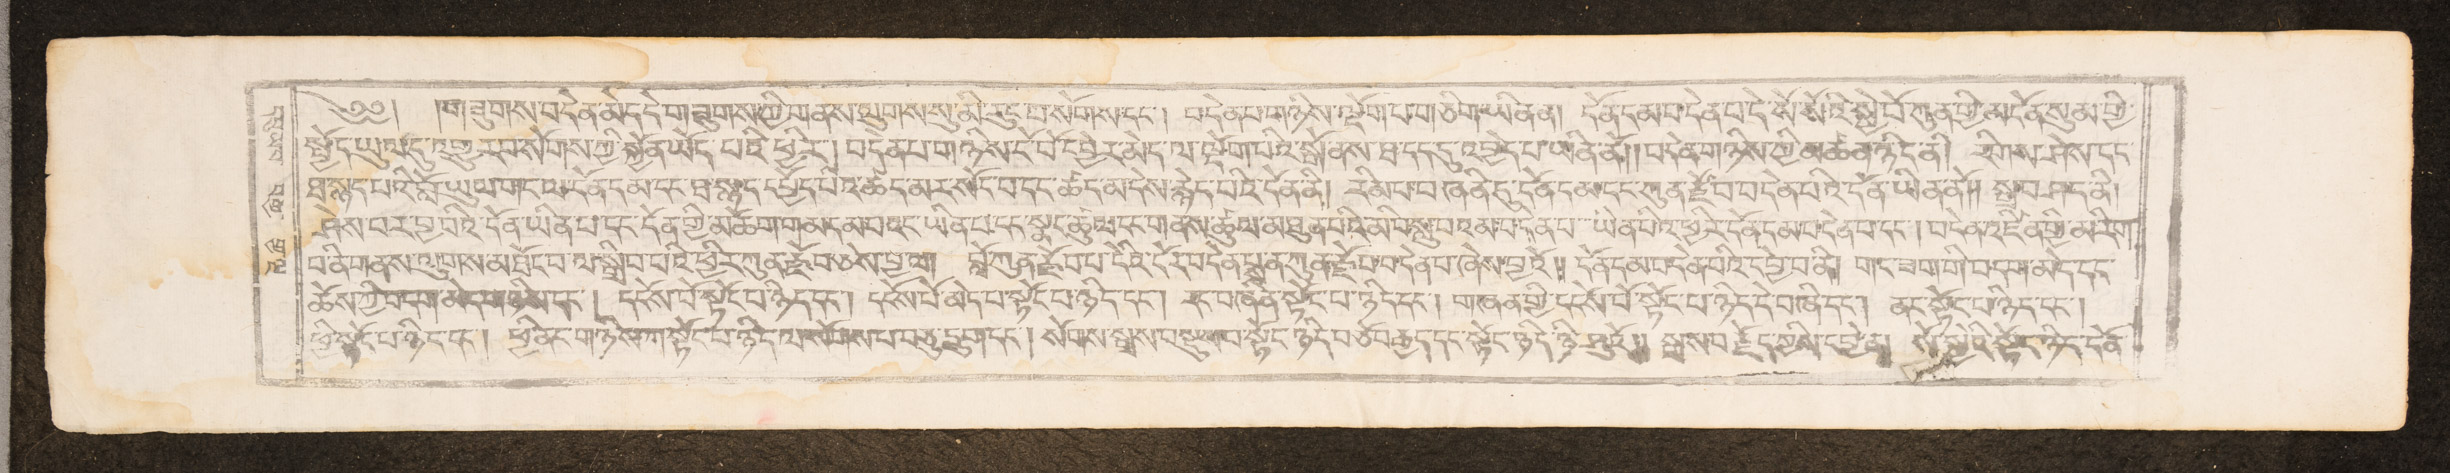༄༅། །གཟུགས་བདེན་མེད་དེ་གཟུགས་ཀྱི་གནས་ལུགས་སུ་མི་རུང་བ་སོགས་དང་། བདེན་པ་གཉིས་ལྡོག་པ་གཅིག་ཡིན་ན། དོན་དམ་བདེན་པ་དེ་སོ་སོའི་སྐྱེ་བོ་ཀུན་གྱི་མངོན་སུམ་གྱི་
སྤྱོད་ཡུལ་དུ་འགྱུར་བ་སོགས་ཀྱི་སྐྱོན་ཡོད་པའི་ཕྱིར། བདེན་པ་གཉིས་ངོ་བོ་དབྱེར་མེད་ལ་ལྡོག་པའི་སྒོ་ནས་ཐ་དད་དུ་འབྱེད་པ་ཡིན་ནོ། །བདེན་གཉིས་ཀྱི་མཚན་ཉིད་ནི། རིགས་ཤེས་དང་
ཐ་སྙད་པའི་བློ་ཡུལ་གང་ལ་དོན་དམ་དང་ཐ་སྙད་དཔྱོད་པའི་ཚད་མར་སོང་བ་དང་ཚད་མ་དེས་རྙེད་པའི་དོན་ནི། རིམ་པ་བཞིན་དུ་དོན་དམ་དང་ཀུན་རྫོབ་བདེན་པའི་དོན་ཡིན་ནོ། །སྒྲ་བཤད་ནི།
ཤེས་པར་བྱ་བའི་དོན་ཡིན་པ་དང་དོན་གྱི་མཆོག་གམ་དམ་པའང་ཡིན་པ་དང་སྣང་ཚུལ་དང་གནས་ཚུལ་མཐུན་པའི་མི་བསླུ་བའམ་བདེན་པ་ཡིན་པའི་ཕྱིར་དོན་དམ་བདེན་པ་དང་། བདེན་འཛིན་གྱི་མ་རིག་
བ་ནི་གནས་ལུགས་མཐོང་བ་ལ་སྒྲིབ་པའི་ཕྱིར་ཀུན་རྫོབ་ཅེས་བྱ་ལ། བློ་ཀུན་རྫོབ་པ་དེའི་ངོར་བདེན་པས་ན་ཀུན་རྫོབ་བདེན་པ་ཞེས་བྱའོ། །དོན་དམ་བདེན་པའི་དབྱེ་བ་ནི། གང་ཟག་གི་བདག་མེད་དང་
ཆོས་ཀྱི་བདག་མེད་གཉིས་དང་། དངོས་པོ་སྟོང་པ་ཉིད་དང་། དངོས་པོ་མེད་པ་སྟོང་པ་ཉིད་དང་། རང་བཞིན་སྟོང་པ་ཉིད་དང་། གཞན་གྱི་དངོས་པོ་སྟོང་པ་ཉིད་དེ་བཞི་དང་། ནང་སྟོང་པ་ཉིད་དང་།
ཕྱི་སྟོང་པ་ཉིད་དང་། ཕྱི་ནང་གཉིས་ཀ་སྟོང་པ་ཉིད་ལ་སོགས་པ་བཅུ་དྲུག་དང་། སོགས་སྒྲས་བསྡུས་པ་སྟོང་ཉིད་བཅོ་བརྒྱད་དང་སྟོང་ཉིད་ཉི་ཤུའོ། །སྒྲས་བརྗོད་ཀྱིས་དབྱེ་ན། སོ་སྐྱེའི་སྟོང་ཉིད་དོན་